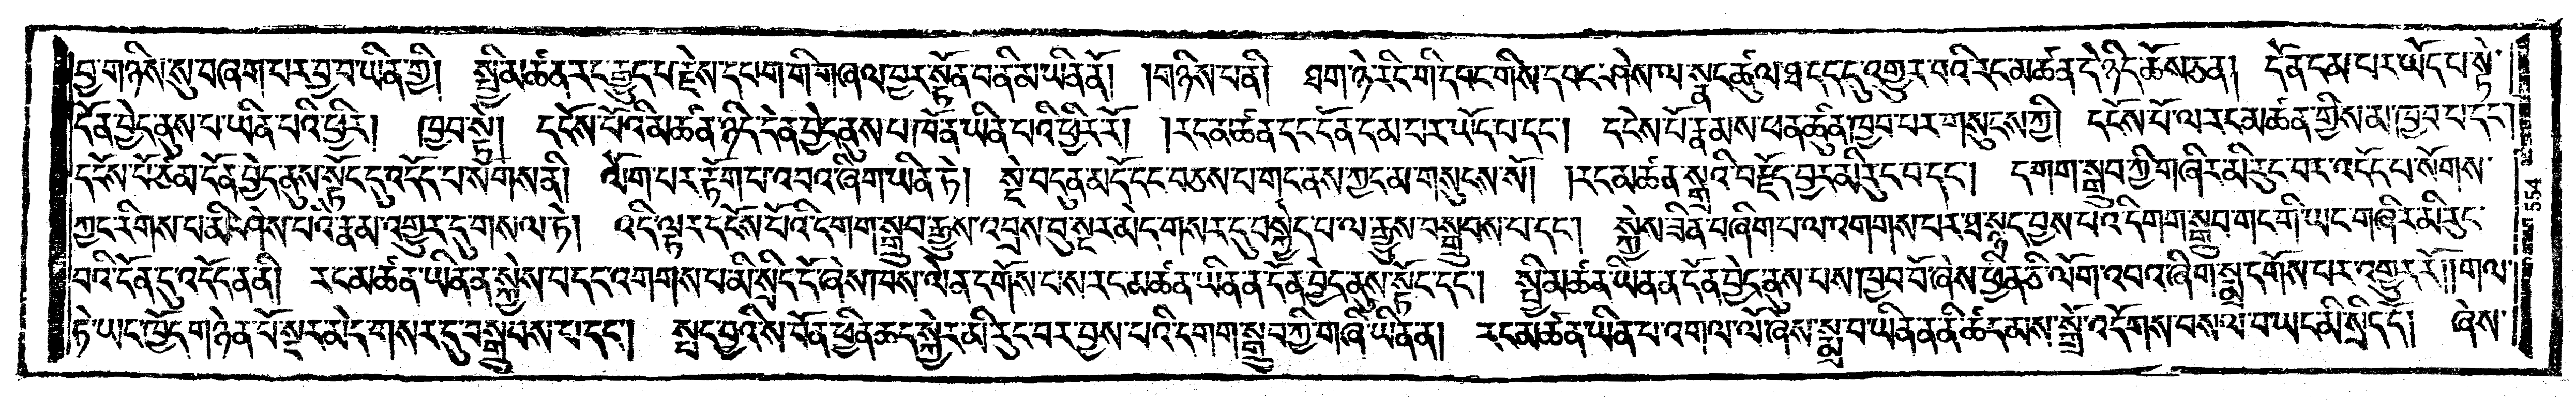བྱ་གཉིས་སུ་བཞག་པར་བྱ་བ་ཡིན་གྱི། སྤྱི་མཚན་རང་རྒྱུད་པ་རྗེས་དཔག་གི་གཞལ་བྱར་སྟོན་པ་ནི་མ་ཡིན་ནོ། །གཉིས་པ་ནི། ཐག་ཉེ་རིང་གི་དབང་གིས་དབང་ཤེས་ལ་སྣང་ཚུལ་ཐ་དད་དུ་འགྱུར་བའི་རང་མཚན་དེ་ཉིད་ཆོས་ཅན། དོན་དམ་པར་ཡོད་པ་སྟེ་
དོན་བྱེད་ནུས་པ་ཡིན་པའི་ཕྱིར། ཁྱབ་སྟེ། དངོས་པོའི་མཚན་ཉིད་དེན་བྱེད་ནུས་པ་ཁོ་ན་ཡིན་པའི་ཕྱིར་རོ། །རང་མཚན་དང་དོན་དམ་པར་ཡོད་པ་དང་། དངེས་པོ་རྣམས་ཕན་ཚུན་ཁྱབ་པར་གསུངས་ཀྱི། དངོས་པོ་ལ་རང་མཚན་གྱིས་མ་ཁྱབ་པ་དང་
དངོས་པོ་ཙམ་དོན་བྱེད་ནུས་སྟོང་དུ་འདོད་པ་སོགས་ནི། ལོག་པར་རྟོག་པ་འབའ་ཞིག་ཡིན་ཏེ། སྡེ་བདུན་མདོ་དང་བཅས་པ་གང་ནས་ཀྱང་མ་གསུངས་སོ། །རང་མཚན་སྒྲའི་བརྗོད་བྱར་མི་རུང་བ་དང་། དགག་སྒྲུབ་ཀྱི་གཞིར་མི་རུང་བར་འདོད་པ་སོགས་
ཀྱང་རིགས་པ་མི་ཤེས་པའི་རྣམ་འགྱུར་དུ་གསལ་ཏེ། འདི་ལྟར་དངོས་པོའི་དགག་སྒྲུབ་རྒྱུས་འབྲས་བུ་སྔར་མེད་གསར་དུ་བསྐྱེད་པ་ལ་རྒྱུས་བསྒྲུབས་པ་དང་། སྐྱེས་ཟིན་བཞིག་པ་ལ་འགགས་པར་ཐ་སྙད་བྱས་པའི་དགག་སྒྲུབ་གང་གི་ཡང་གཞིར་མི་རུང་
པའི་དོན་དུ་འདོད་ན་ནི། རང་མཚན་ཡིན་ན་སྐྱེས་པ་དང་འགགས་པ་མི་སྲིད་དོ་ཞེས་ཁས་ལེན་དགོས་པས་རང་མཚན་ཡིན་ན་དོན་བྱེད་ནུས་སྟོང་དང་། སྤྱི་མཚན་ཡིན་ན་དོན་བྱེད་ནུས་པས་ཁྱབ་བོ་ཞེས་ཕྱིན་ཅི་ལོག་འབའ་ཞིག་སྨྲ་དགོས་པར་འགྱུར་རོ། །གལ་
ཏེ་ཡང་ཁྱོད་གཉེན་པོ་སྔར་མེད་གསར་དུ་བསྒྲུབས་པ་དང་། སྤང་བྱའི་ས་བོན་ཕྱིན་ཆད་སྐྱེར་མི་རུང་བར་བྱས་པའི་དགག་སྒྲུབ་ཀྱི་གཞི་ཡིན་ན། རང་མཚན་ཡིན་པ་འགལ་ལོ་ཞེས་སྨྲ་བ་ཡིན་ན་ནི་ཚད་མས་སྒྲོ་འདོགས་བསལ་བ་ཡང་མི་སྲིད་དོ། ཞེས་